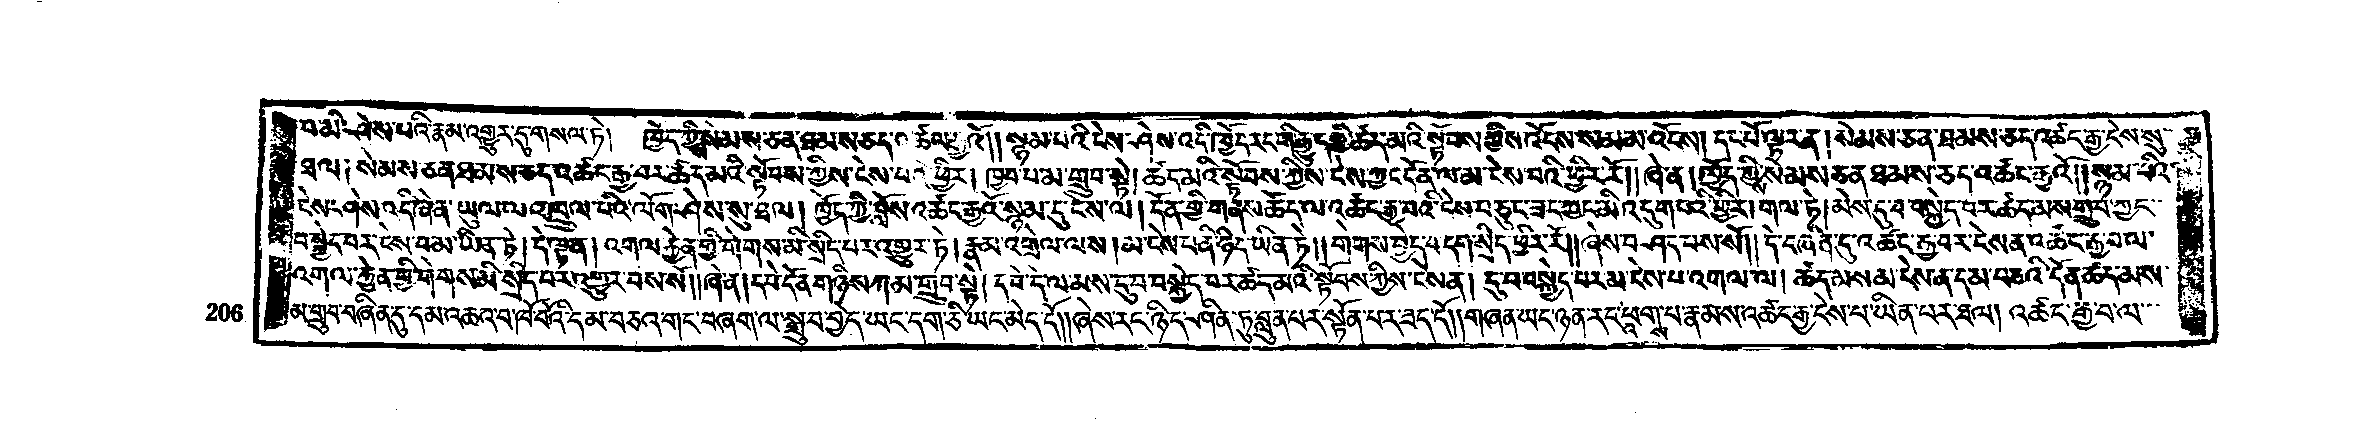བ་མི་ཤེས་པའི་རྣམ་འགྱུར་དུ་གསལ་ཏེ། ཁྱོད་ཀྱིས་སེམས་ཅན་ཐམས་ཅད་འཚང་རྒྱའོ། །སྙམ་པའི་ངེས་ཤེས་འདི་ཁྱོད་རང་གི་རྒྱུད་ཀྱི་ཚད་མའི་སྟོབས་ཀྱིས་འོངས་སམ་མ་འོངས། དང་པོ་ལྟར་ན། སེམས་ཅན་ཐམས་ཅད་འཚང་རྒྱ་ངེས་སུ་
ཐལ༑ སེམས་ཅན་ཐམས་ཅད་འཚང་རྒྱ་བར་ཚད་མའི་སྟོབས་ཀྱིས་ངེས་པའི་ཕྱིར། ཁྱབ་པ་མ་གྲུབ་སྟེ། ཚད་མའི་སྟོབས་ཀྱིས་ངེས་ཀྱང་དོན་ལ་མ་ངེས་པའི་ཕྱིར་རོ། །ཞེ་ན། ཁྱོད་ཀྱིས་སེམས་ཅན་ཐམས་ཅད་འཚང་རྒྱའོ། །སྙམ་པའི་
ངེས་ཤེས་འདི་ཞེན་ཡུལ་ལ་འཁྲུལ་པའི་ལོག་ཤེས་སུ་ཐལ། ཁྱོད་ཀྱི་བློས་འཚང་རྒྱའོ་སྙམ་དུ་ངེས་ལ། དོན་གྱི་གནས་ཆོད་ལ་འཚང་རྒྱ་བའི་ངེས་པ་ཅུང་ཟད་ཀྱང་མི་འདུག་པའི་ཕྱིར། གལ་ཏེ། མེས་དུ་བ་བསྐྱེད་པར་ཚད་མས་གྲུབ་ཀྱང་
བསྐྱེད་བར་ངེས་པ་མ་ཡིན་ཏེ། དེ་ལྟ་ན། འགལ་རྐྱེན་གྱི་གེགས་མི་སྲིད་པར་འགྱུར་ཏེ། རྣམ་འགྲེལ་ལས། མ་ངེས་པ་ནི་ཉིད་ཡིན་ཏེ། །གེགས་བྱེད་པ་དག་སྲིད་ཕྱིར་རོ། །ཞེས་བཤད་པས་སོ། །དེ་བཞིན་དུ་འཚང་རྒྱ་བར་ངེས་ན་འཚང་རྒྱ་བ་ལ་
འགལ་རྐྱེན་གྱི་གེགས་མི་སྲིད་པར་འགྱུར་བས་སོ། །ཞེ་ན། དཔེ་དོན་གཉིས་ཀ་མ་གྲུབ་སྟེ། དཔེ་དེ་ལ་མས་དུ་བ་བསྐྱེད་པར་ཚད་མའི་སྟོབས་ཀྱིས་ངེས་ན། དུ་བ་བསྐྱེད་པར་མ་ངེས་པ་འགལ་ལ། ཚད་མས་མ་ངེས་ན་དམ་བཅའི་དོན་ཚད་མས་
མ་གྲུབ་བཞིན་དུ་དམ་འཆའ་བ་ཁོ་བོའི་དམ་བཅའ་གང་བཞག་ལ་སྒྲུབ་བྱེད་ཡང་དག་ཅི་ཡང་མེད་དོ། །ཞེས་རང་ཉིད་ཤིན་ཏུ་བླུན་པར་སྟོན་པར་ཟད་དོ། །གཞན་ཡང་ཉན་རང་འཕགས་པ་རྣམས་འཚང་རྒྱ་ངེས་པ་ཡིན་པར་ཐལ། འཚང་རྒྱ་བ་ལ་